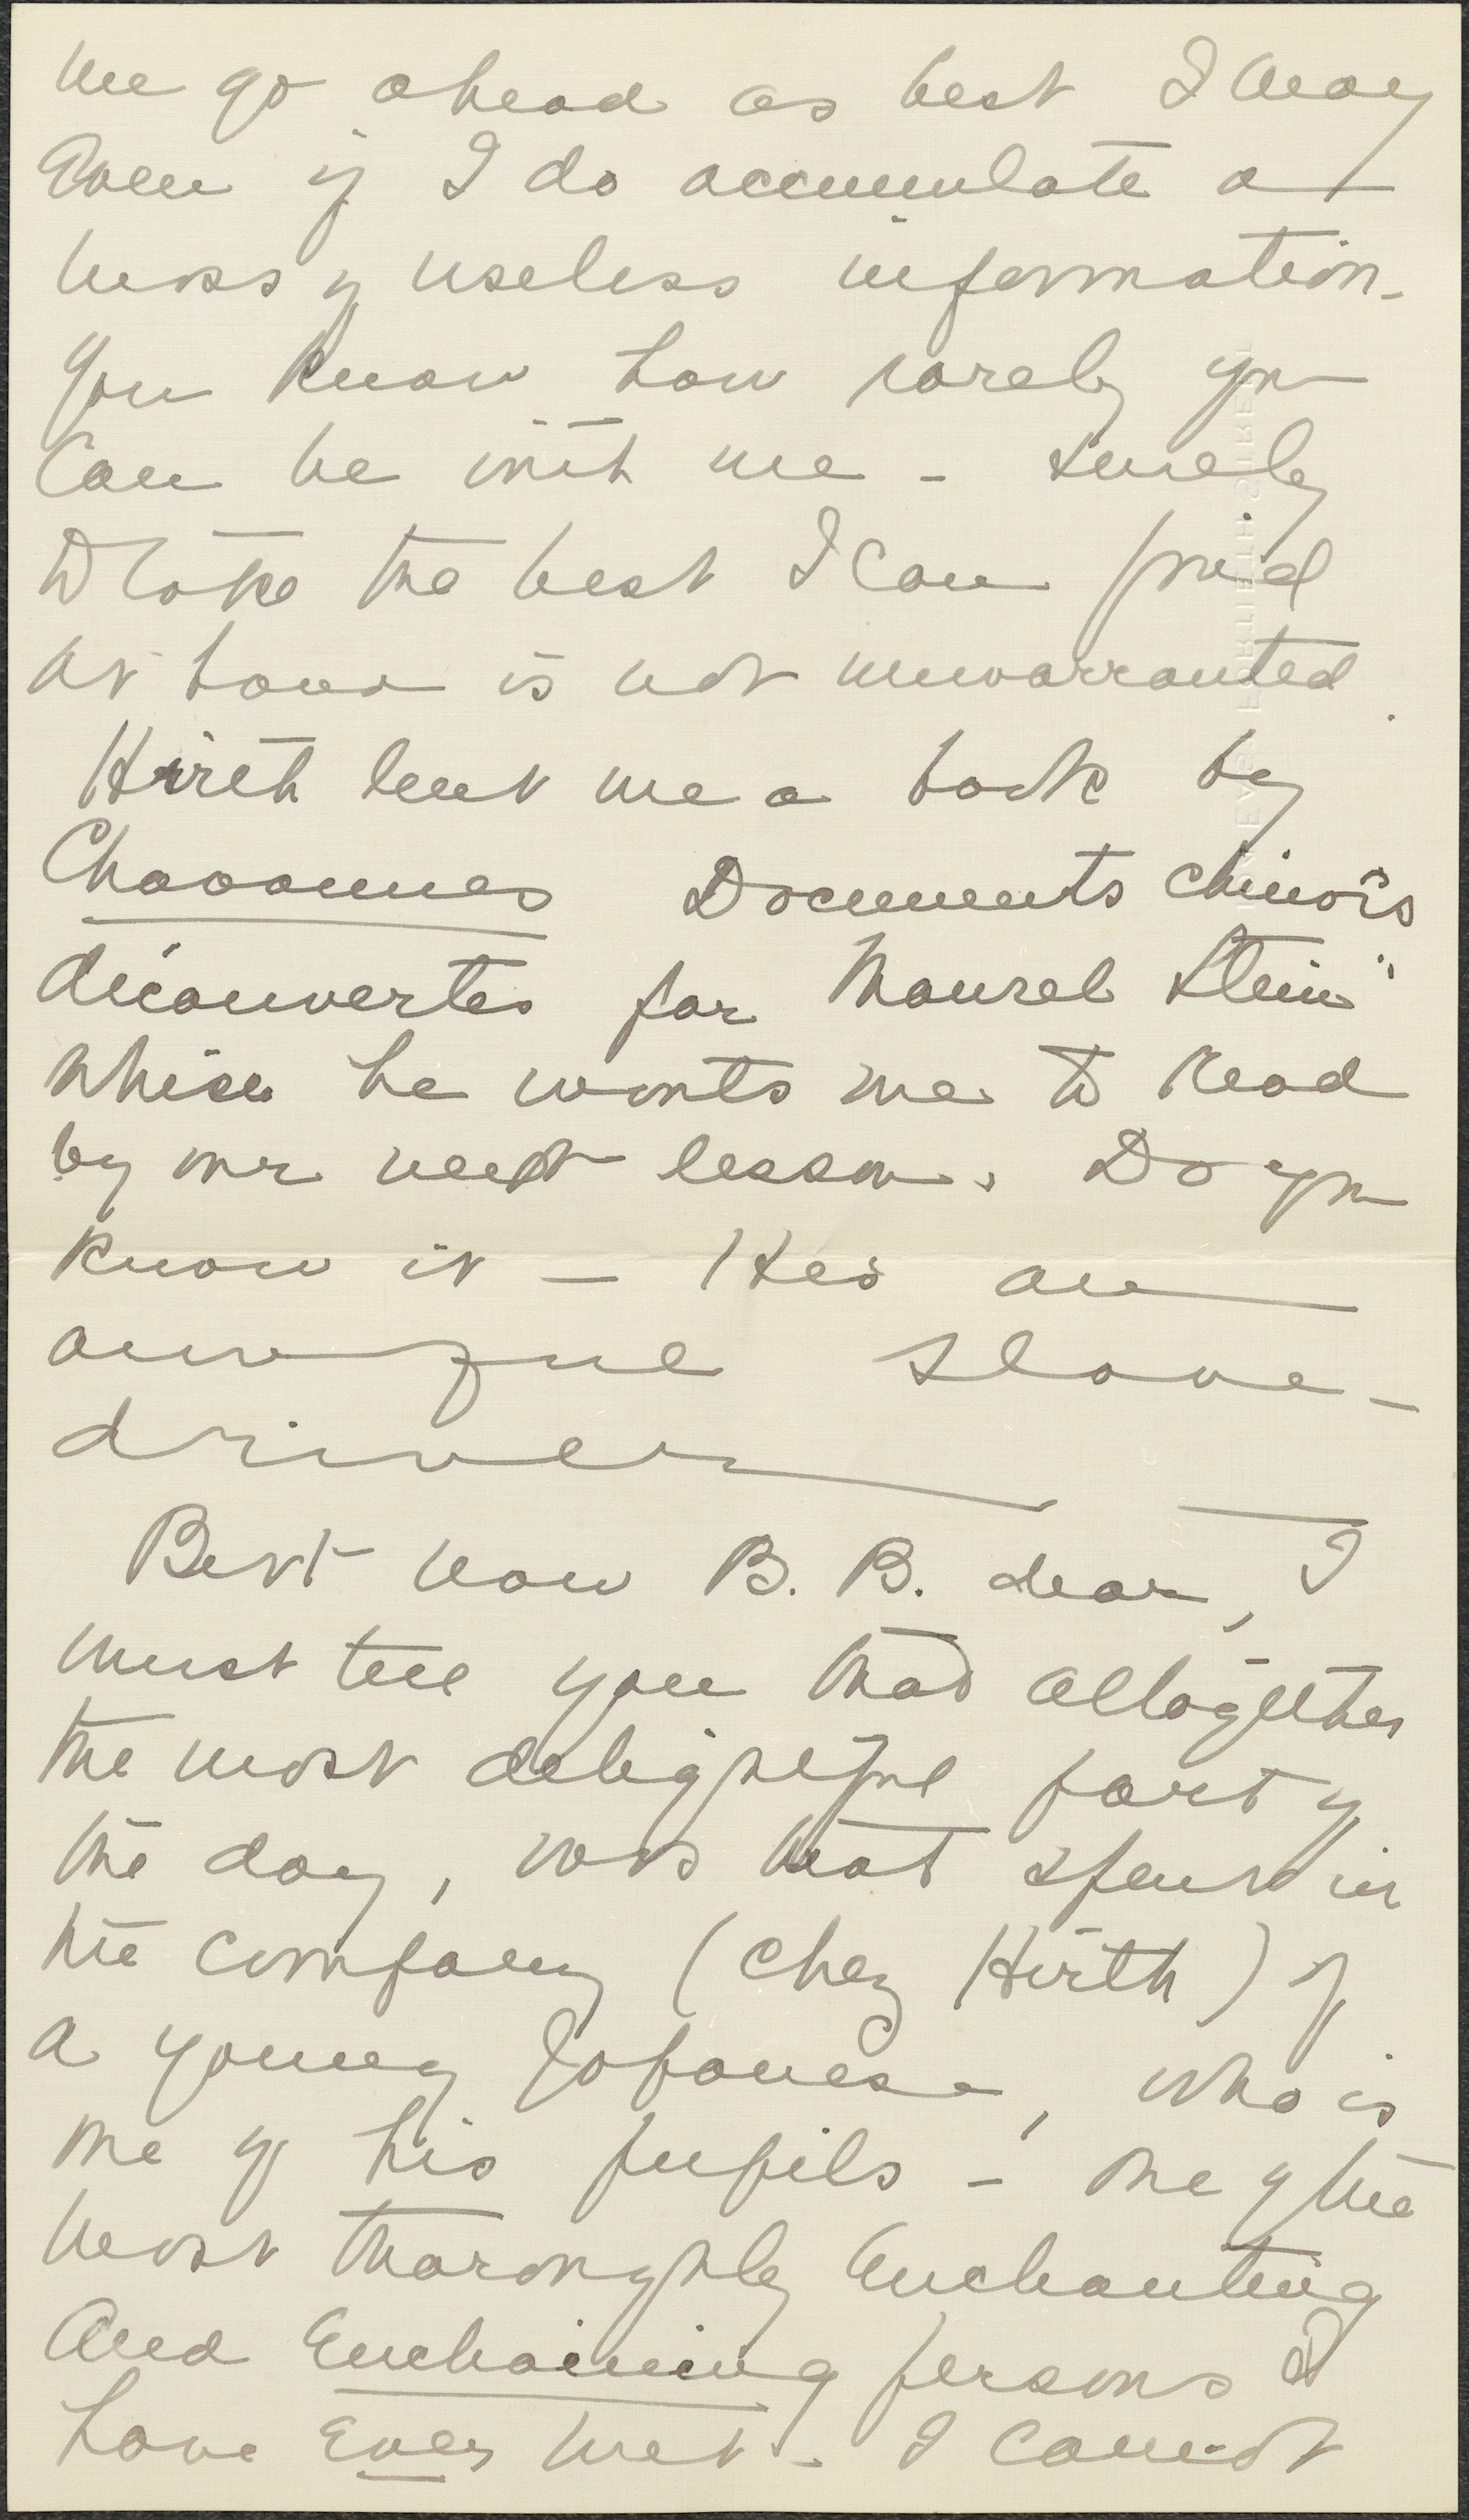me go ahead as best I may even if I do accumulate a mass of useless information – you know how rarely you can be with me – surely to take the best I can find at hand is not unwarranted.
Hirth lent me a book by Chavannes Documents chinois découvertes par Maurel Stein” which he wants me to read by our next lesson. Do you know it – He’s an awful slave-driver –
But now B.B. dear, I must tell you that altogether the most delightful part of the day, was that spent in the company (chez Hirth) of a young Japanese, who is one of his pupils – one of the most thoroughly enchanting and enchaining persons I have ever met – I cannot